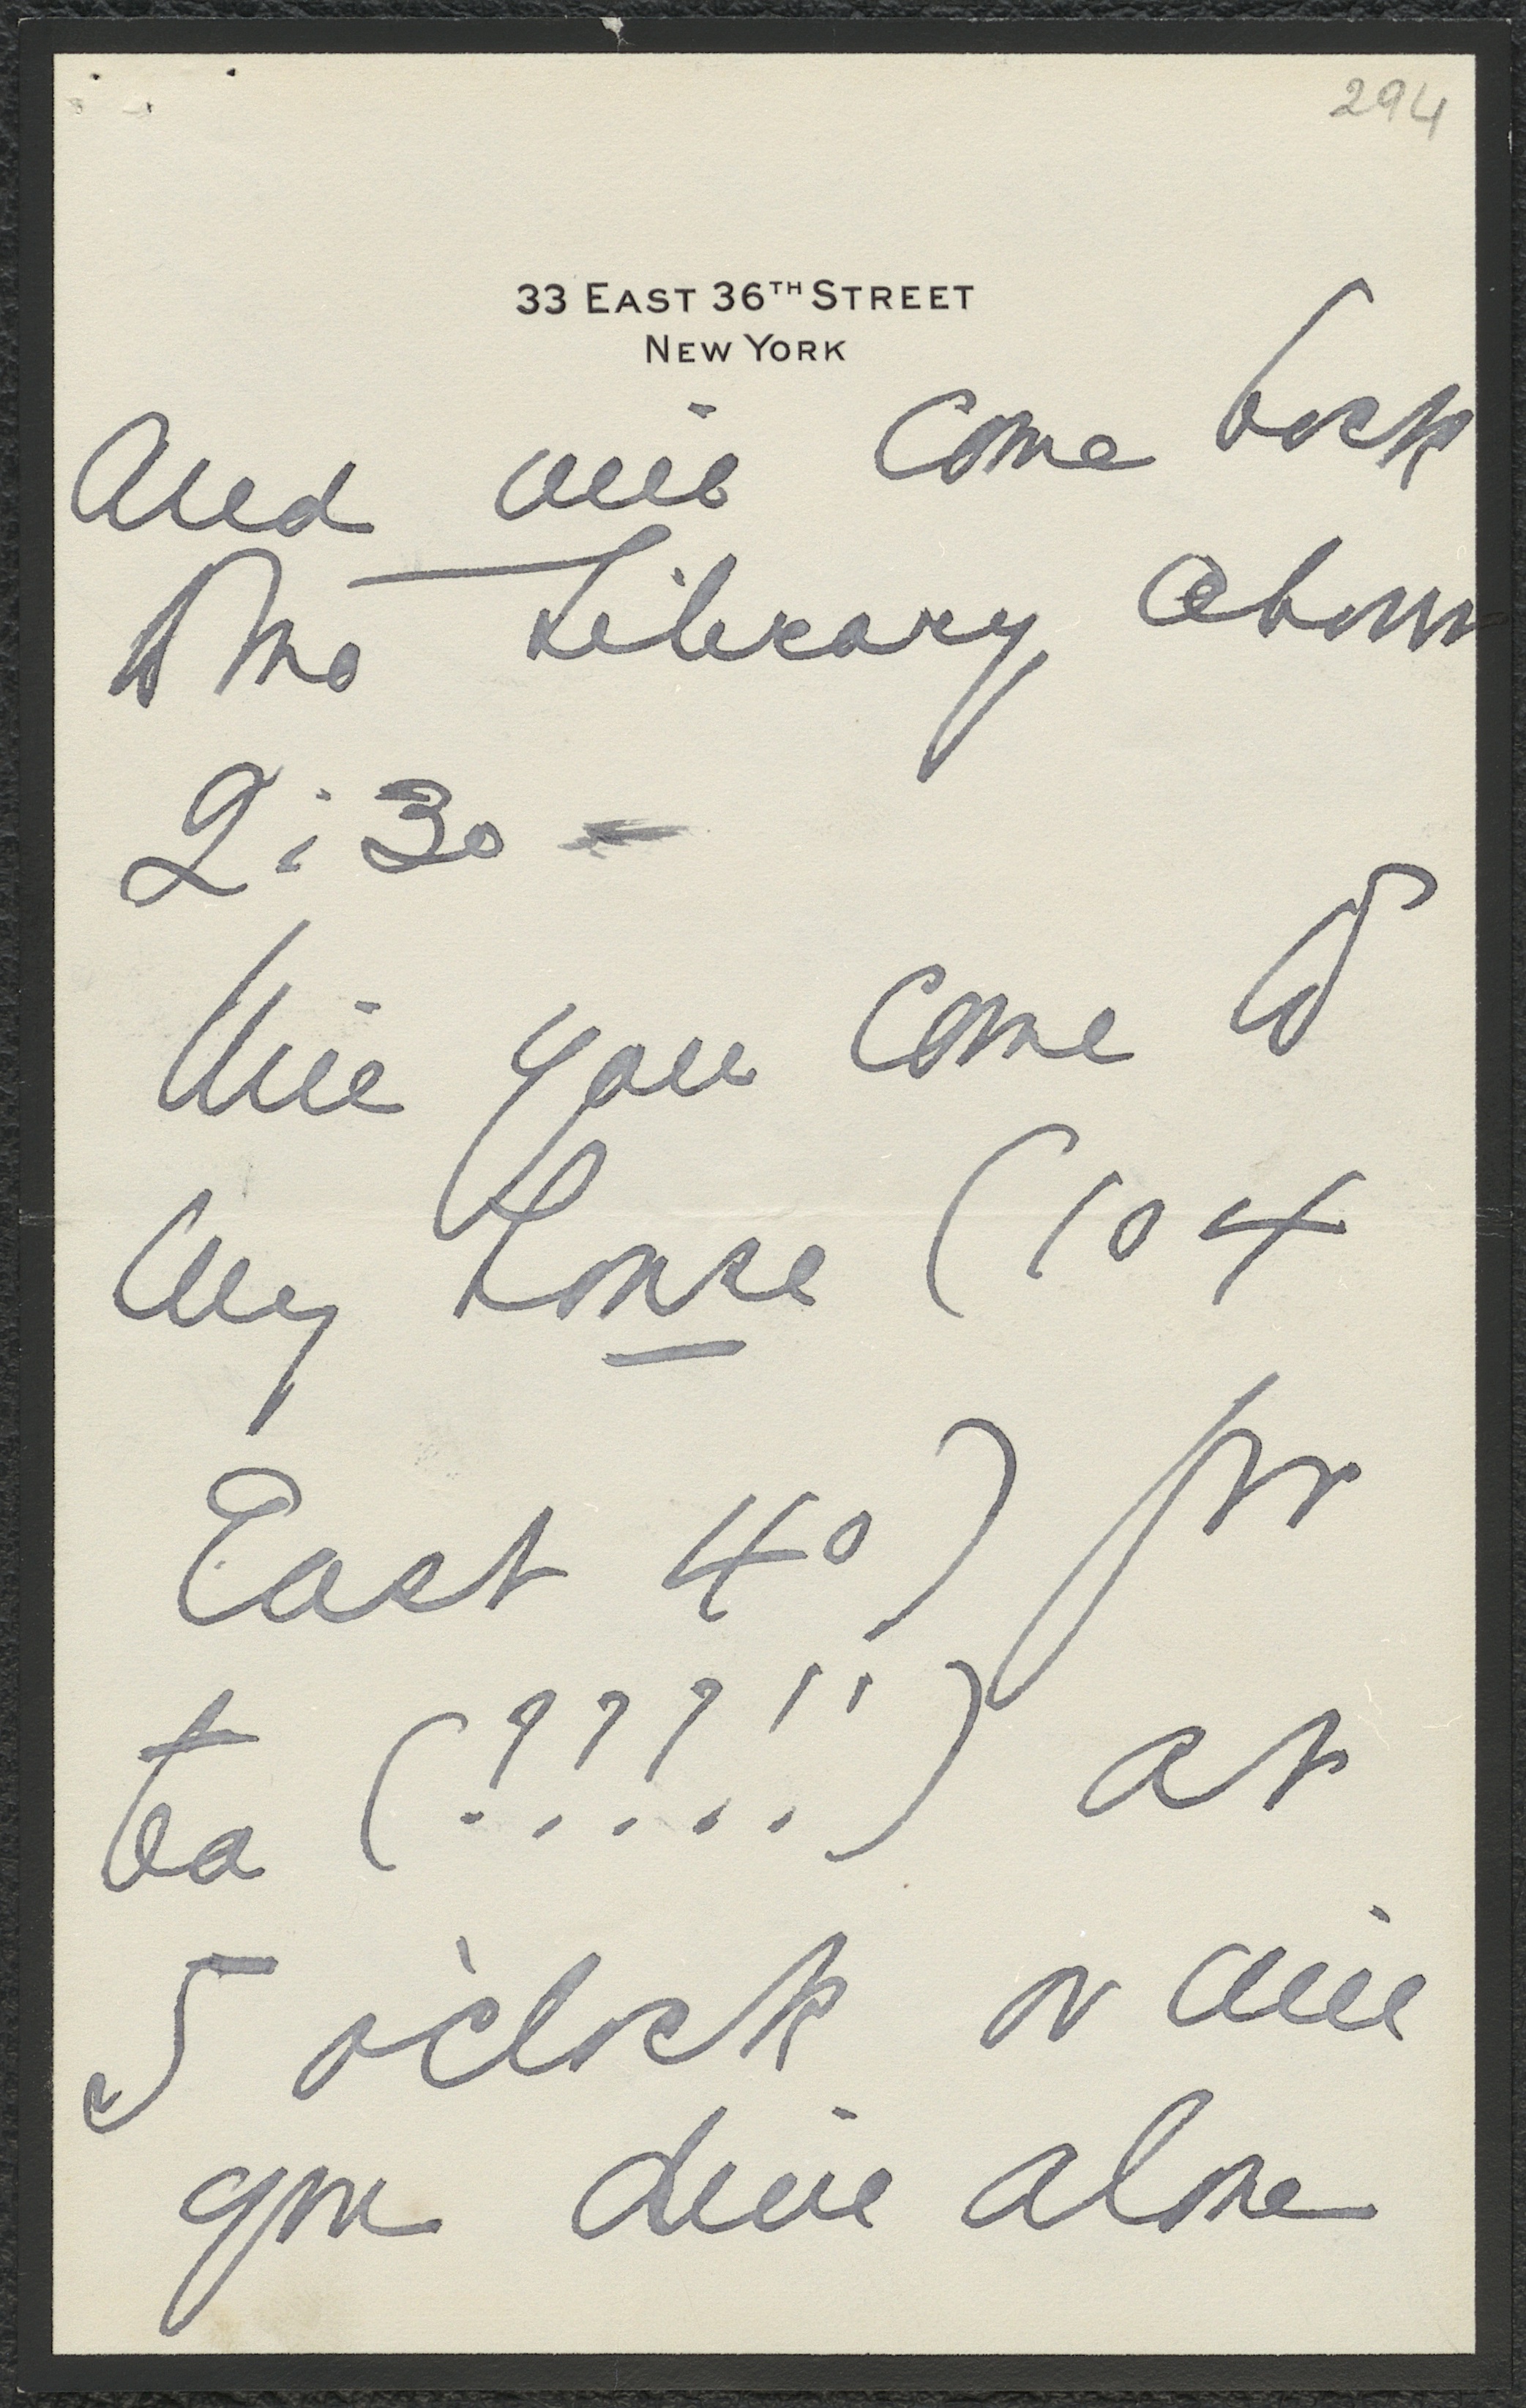and will come back to the Library about 2:30 –
Will you come to my house (104 East 40) for tea (???!!) at 5 o’clock or will you dine alone